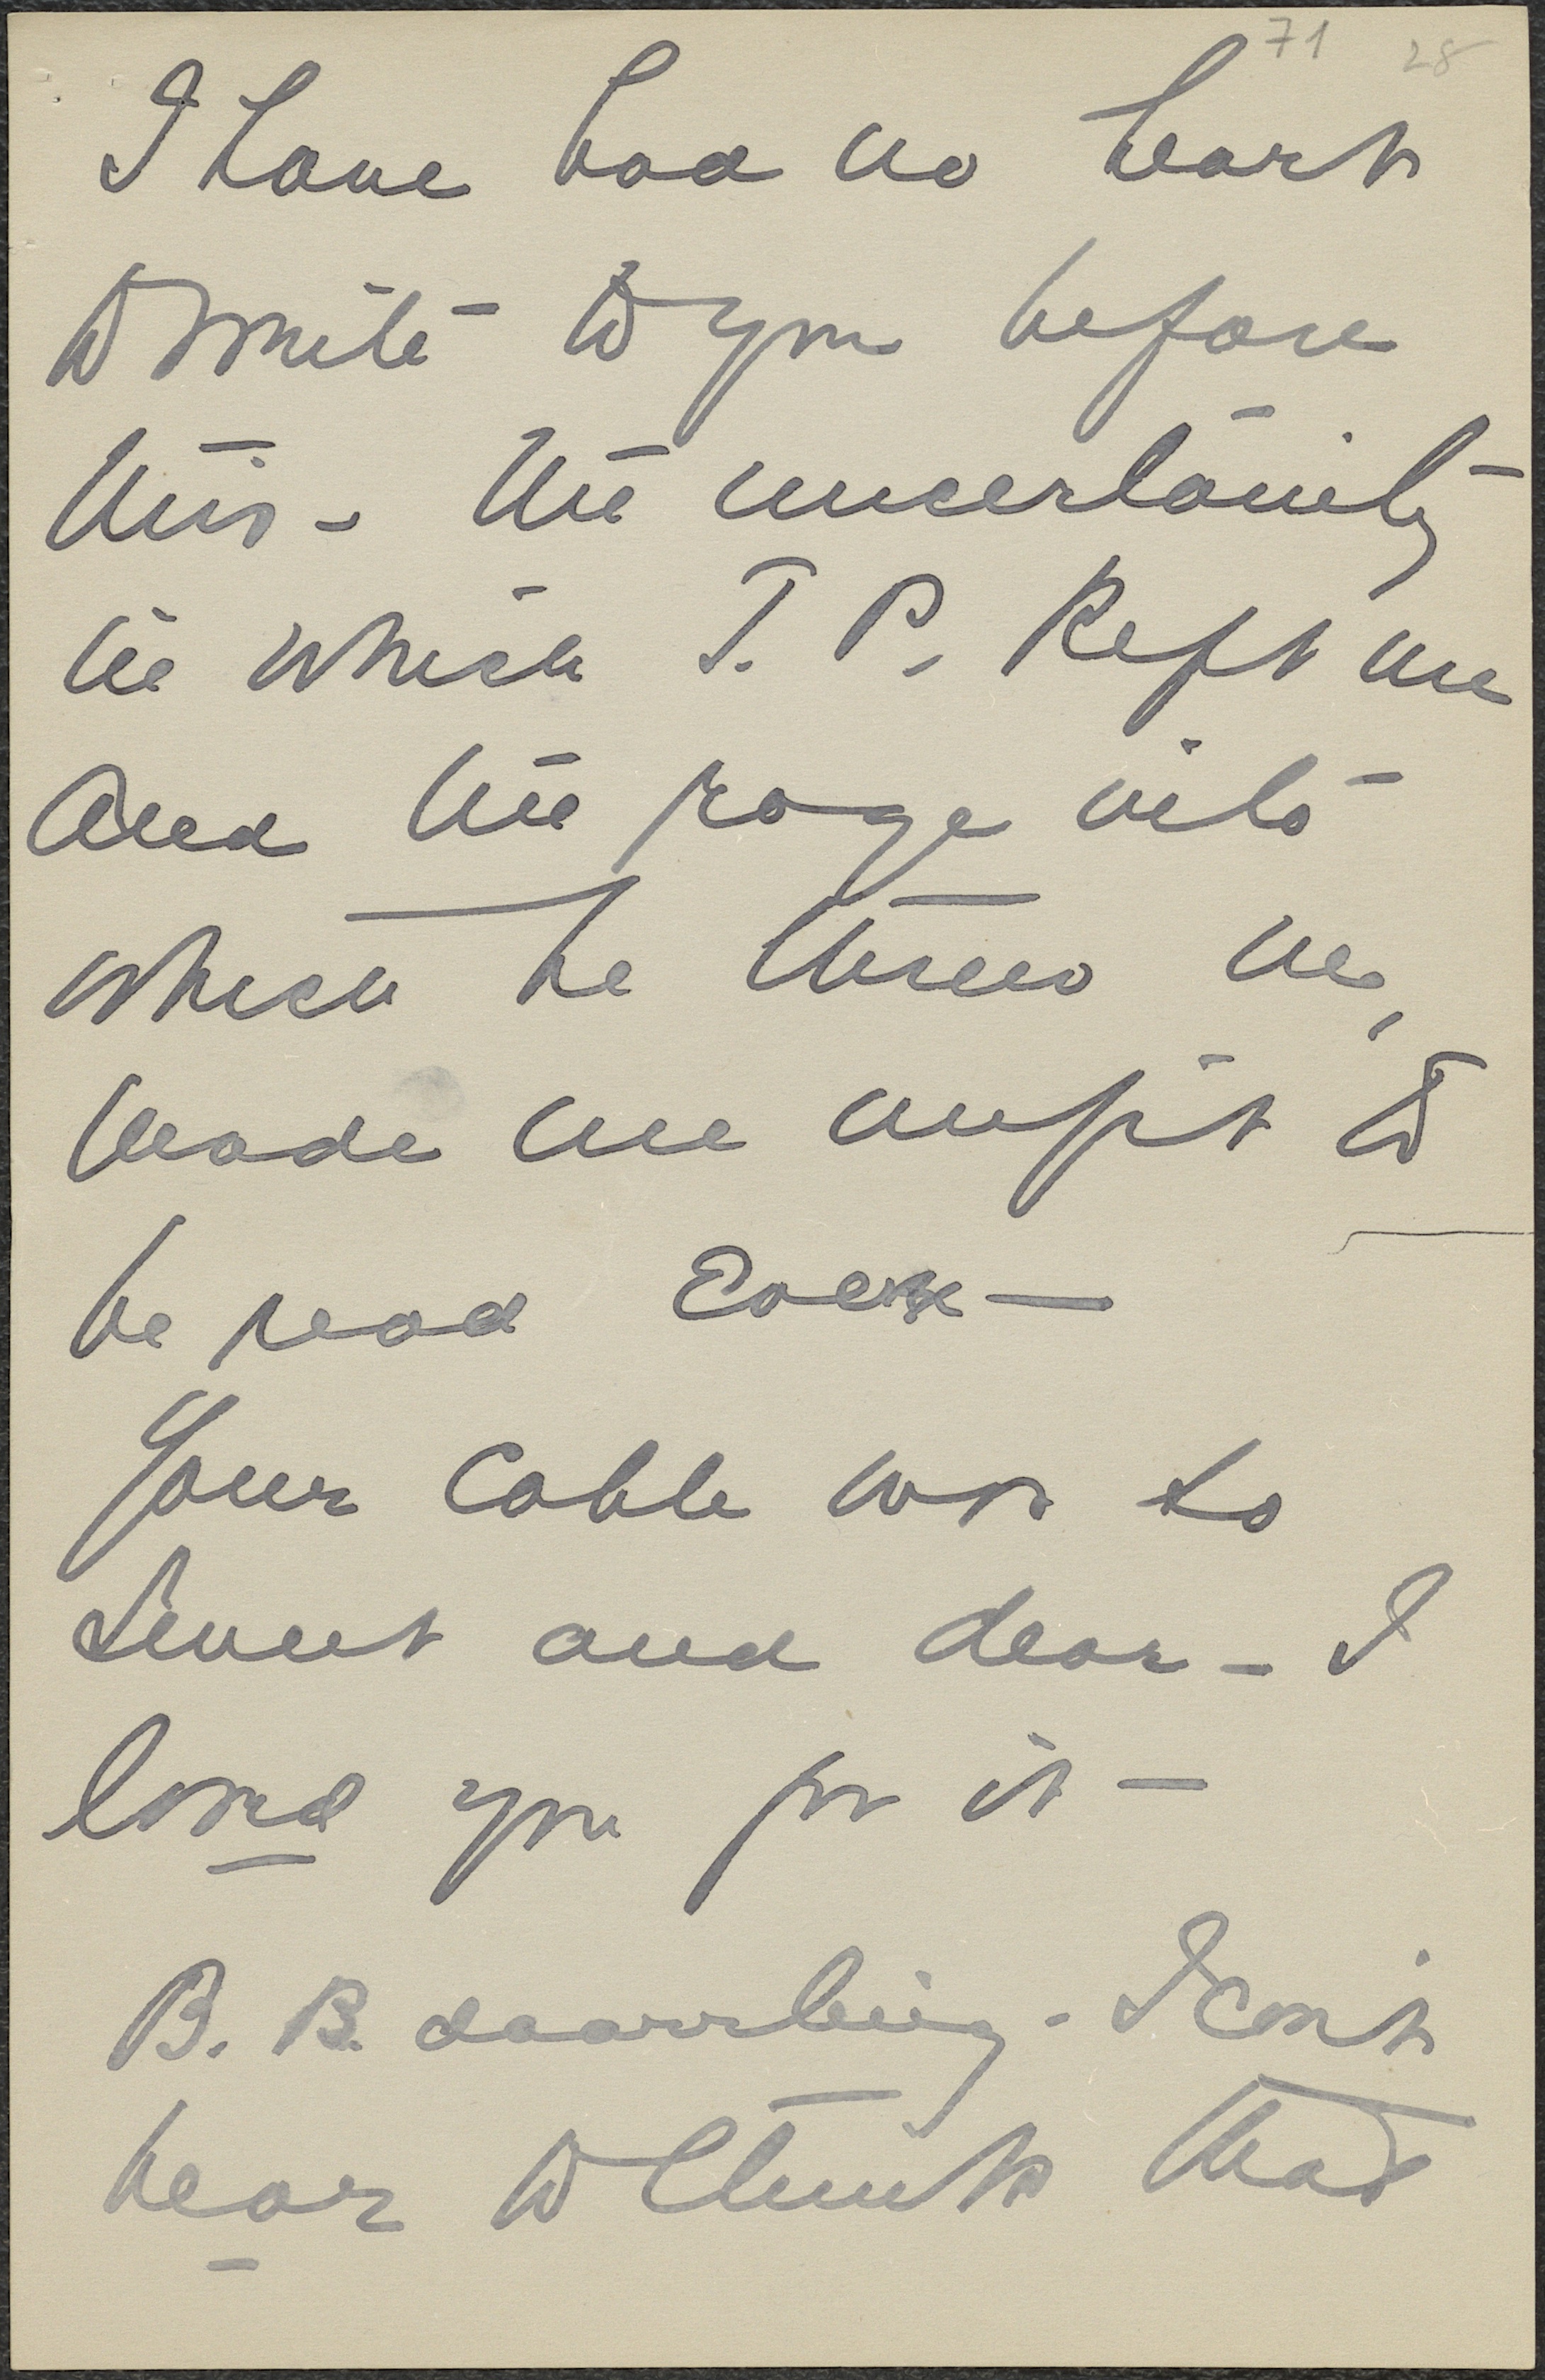I have had no heart to write to you before this – the uncertainty in which J. P. kept me and the rage into which he threw me, made me right to be mad ever –
Your cable was so sweet and dear – I loved you for it –
B. B. daarrling – I can’t bear to think that